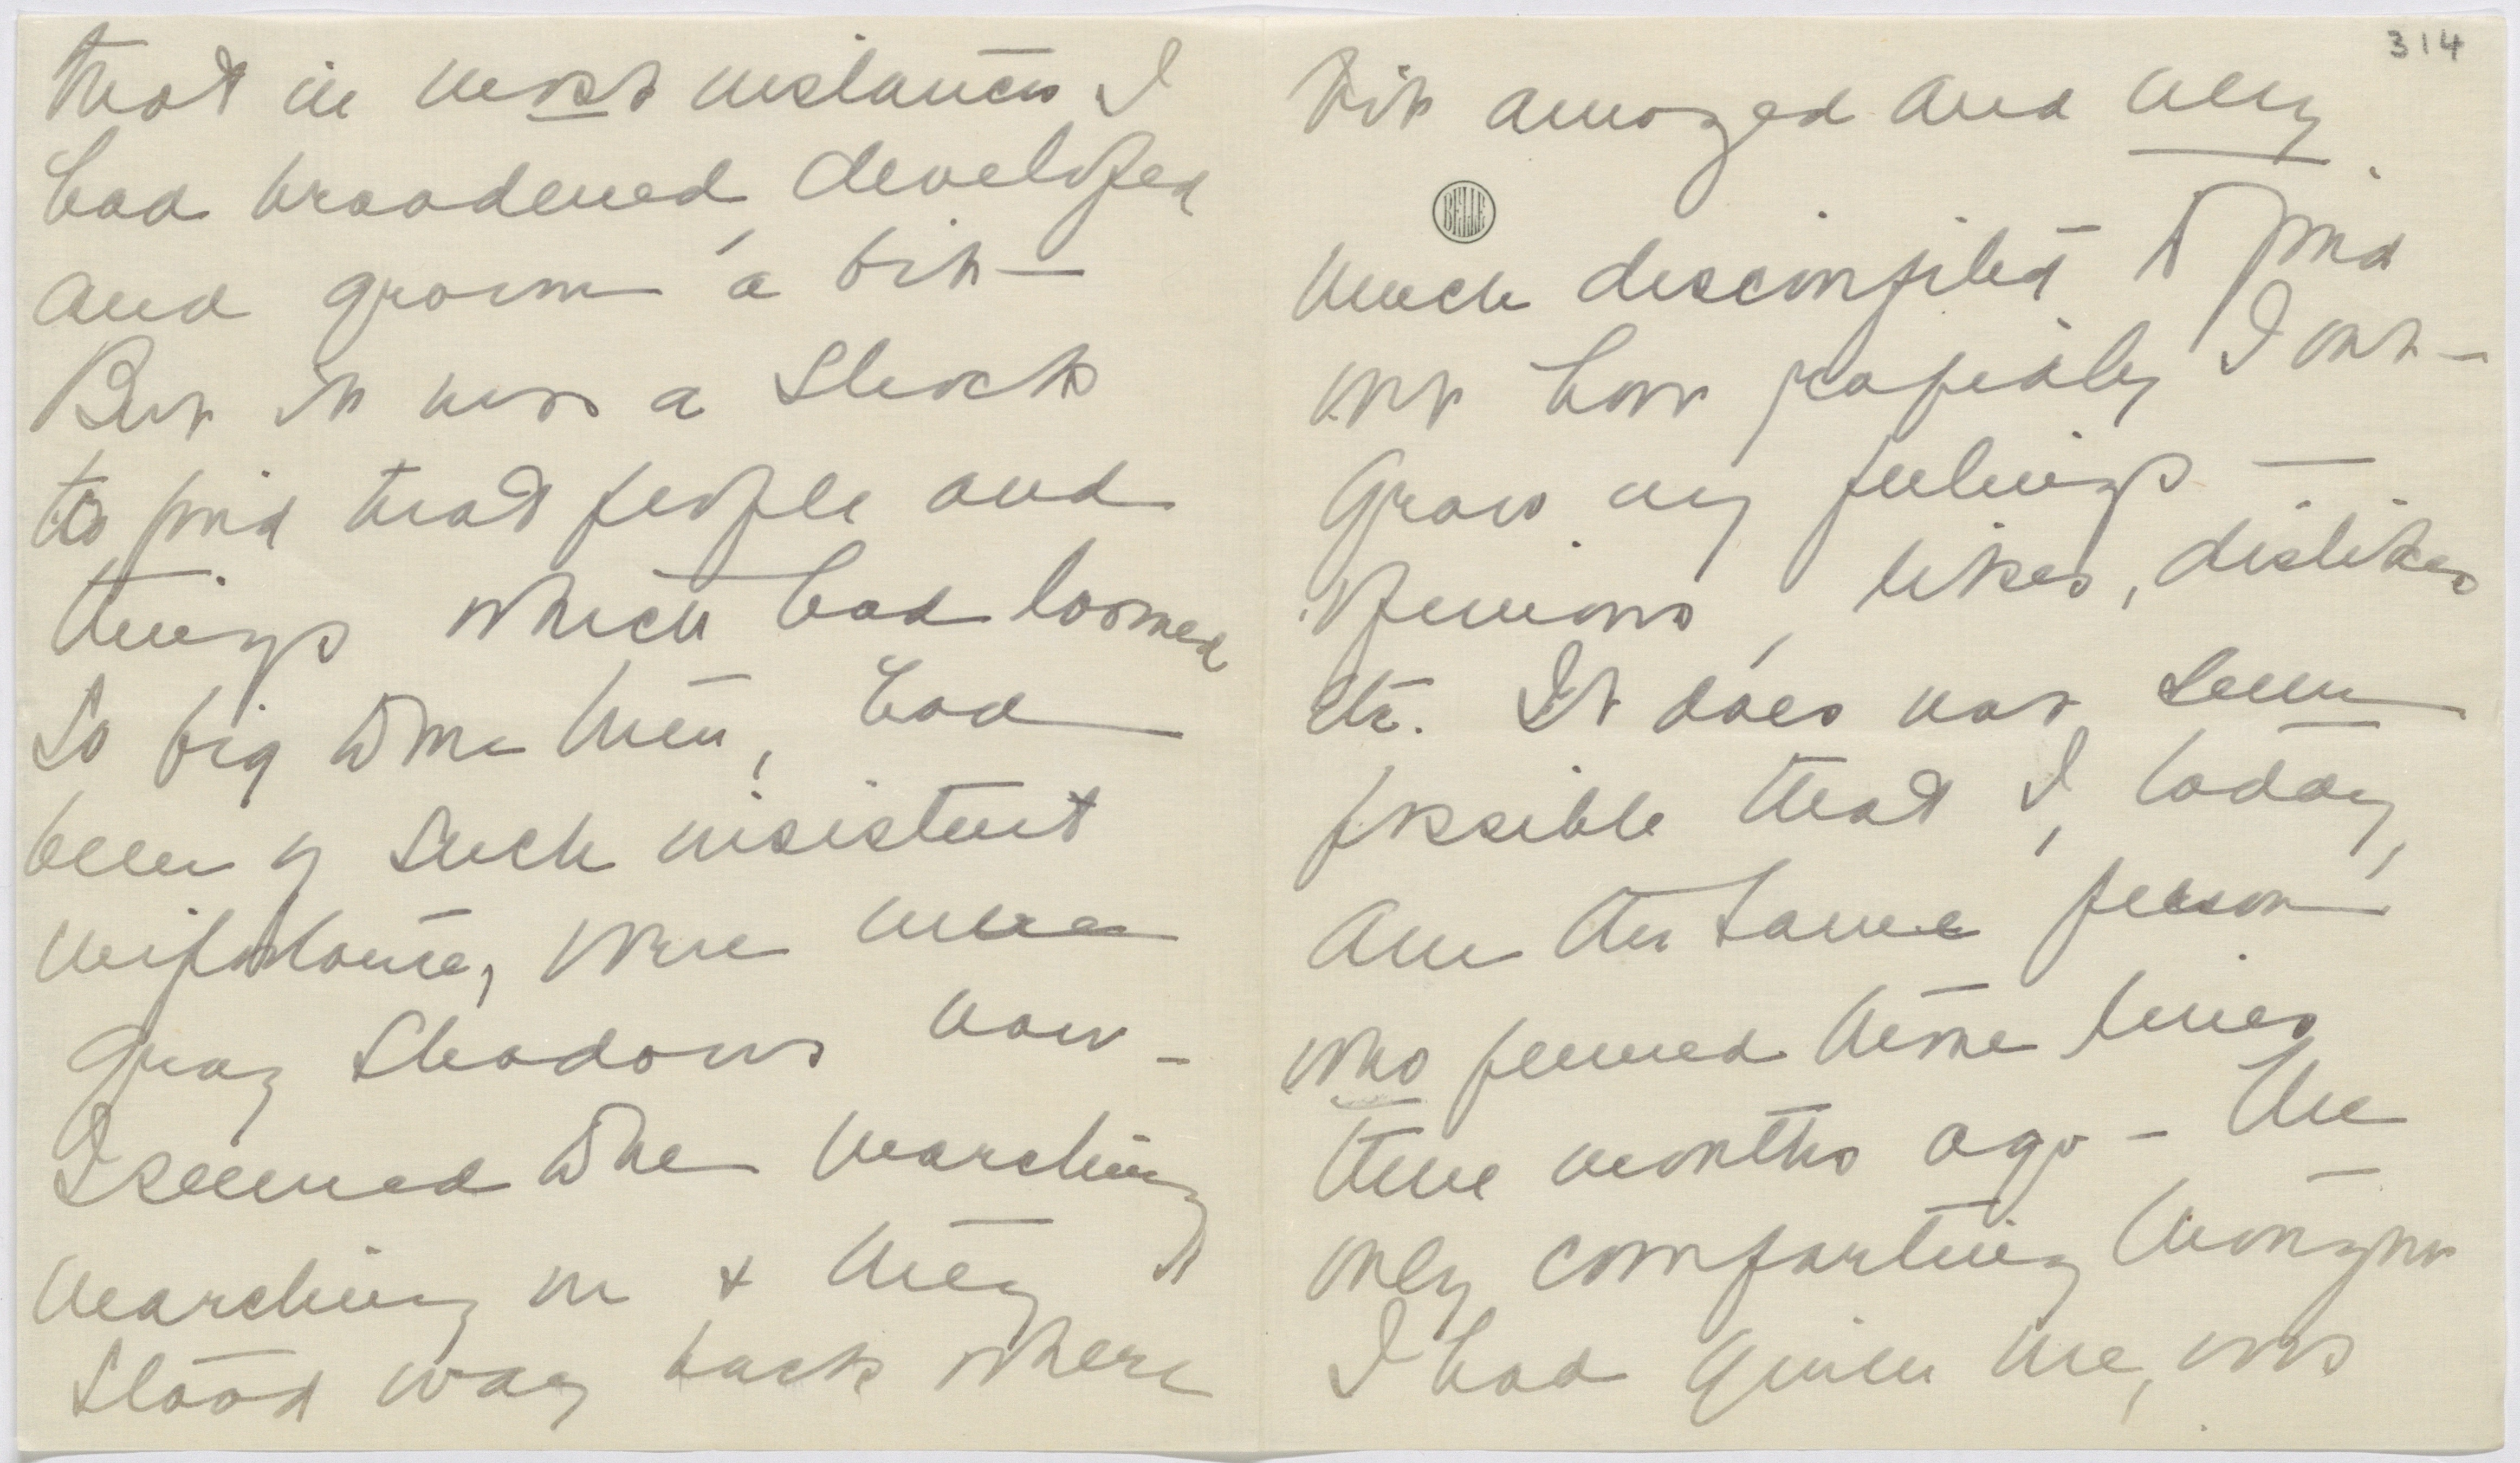bit amazed and very much discomfited to find out how rapidly I outgrow my feelings – opinions, likes, dislikes etc. It does not seem possible that I, today, am the same person who penned these lines three months ago – The only comforting thought I had given me, was
that in most instances I had broadened, developed and grown a bit – But it was a shock to find that people and things which had loomed so big to me then, had been of such insistent importance, were mere gray shadows now – I seemed to be marching, marching on & they stood way back where